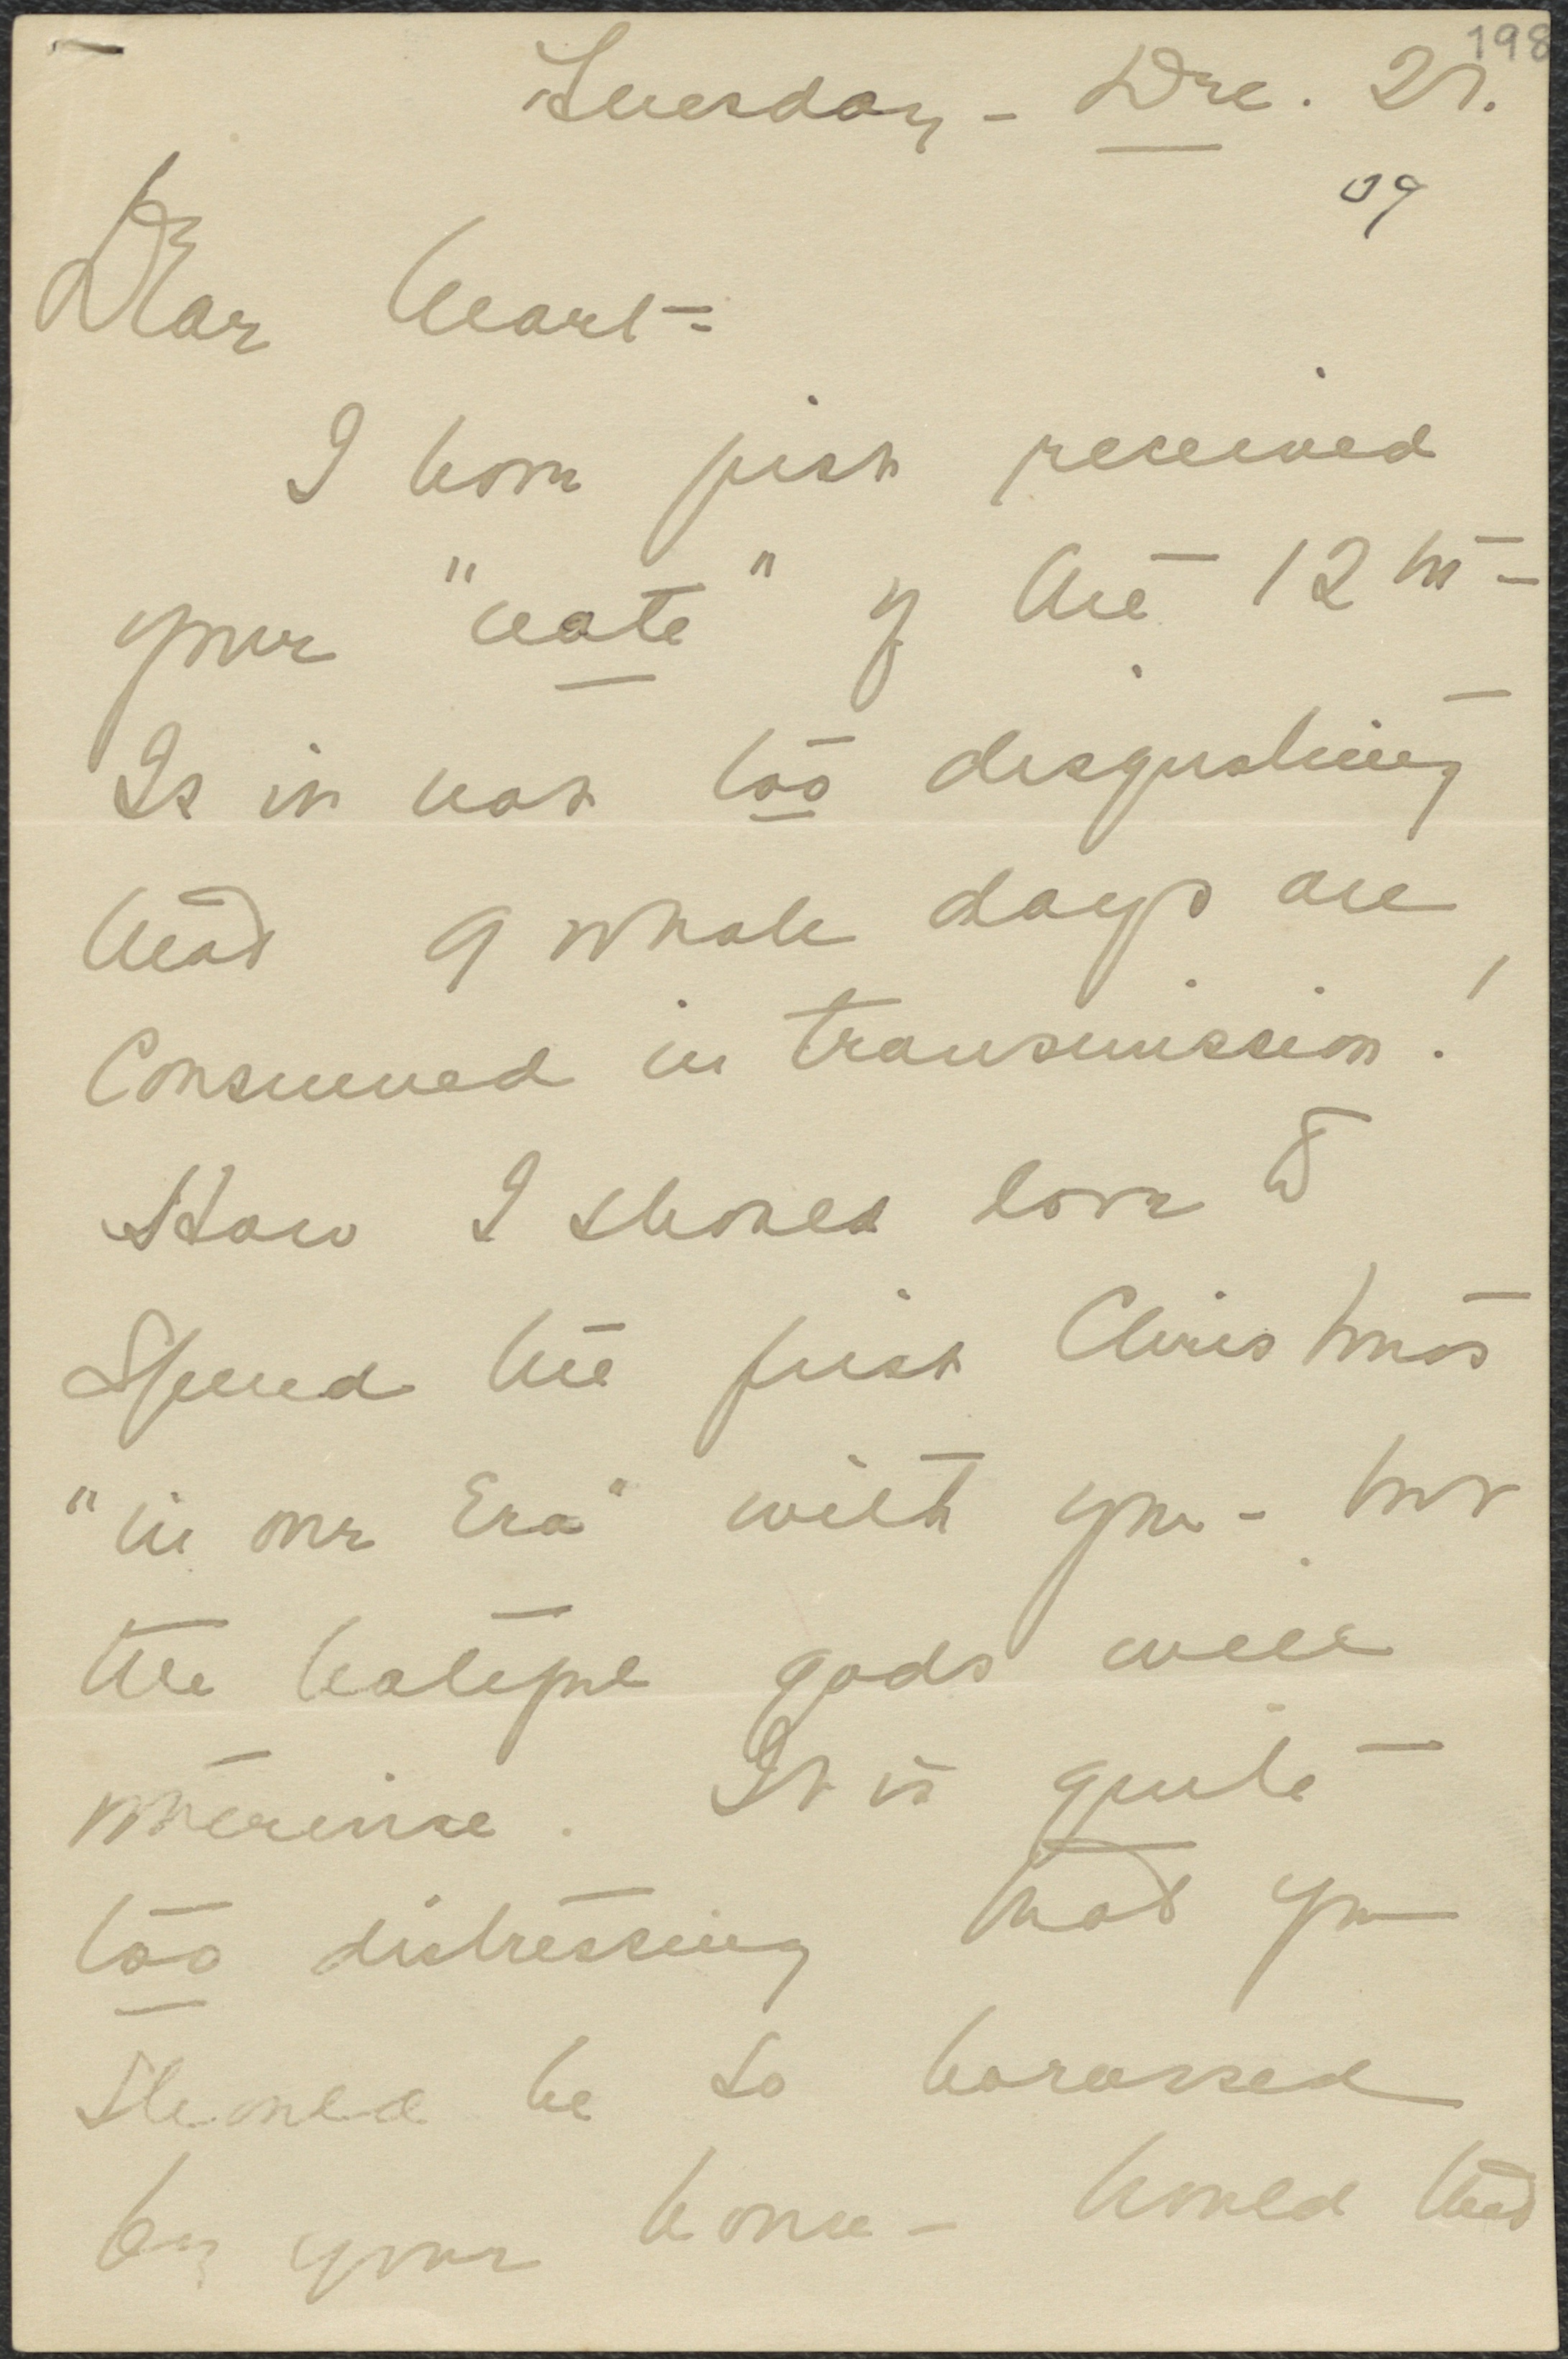Tuesday – Dec. 21.
Dear heart –
I have just received your “note” of the 12th – Is it not too disgusting that 9 whole days are consumed in transmission! How I should love to spend the first Christmas “in our era” with you – but the hateful gods will otherwise. It is quite too distressing that you should be so harassed by your house – would that